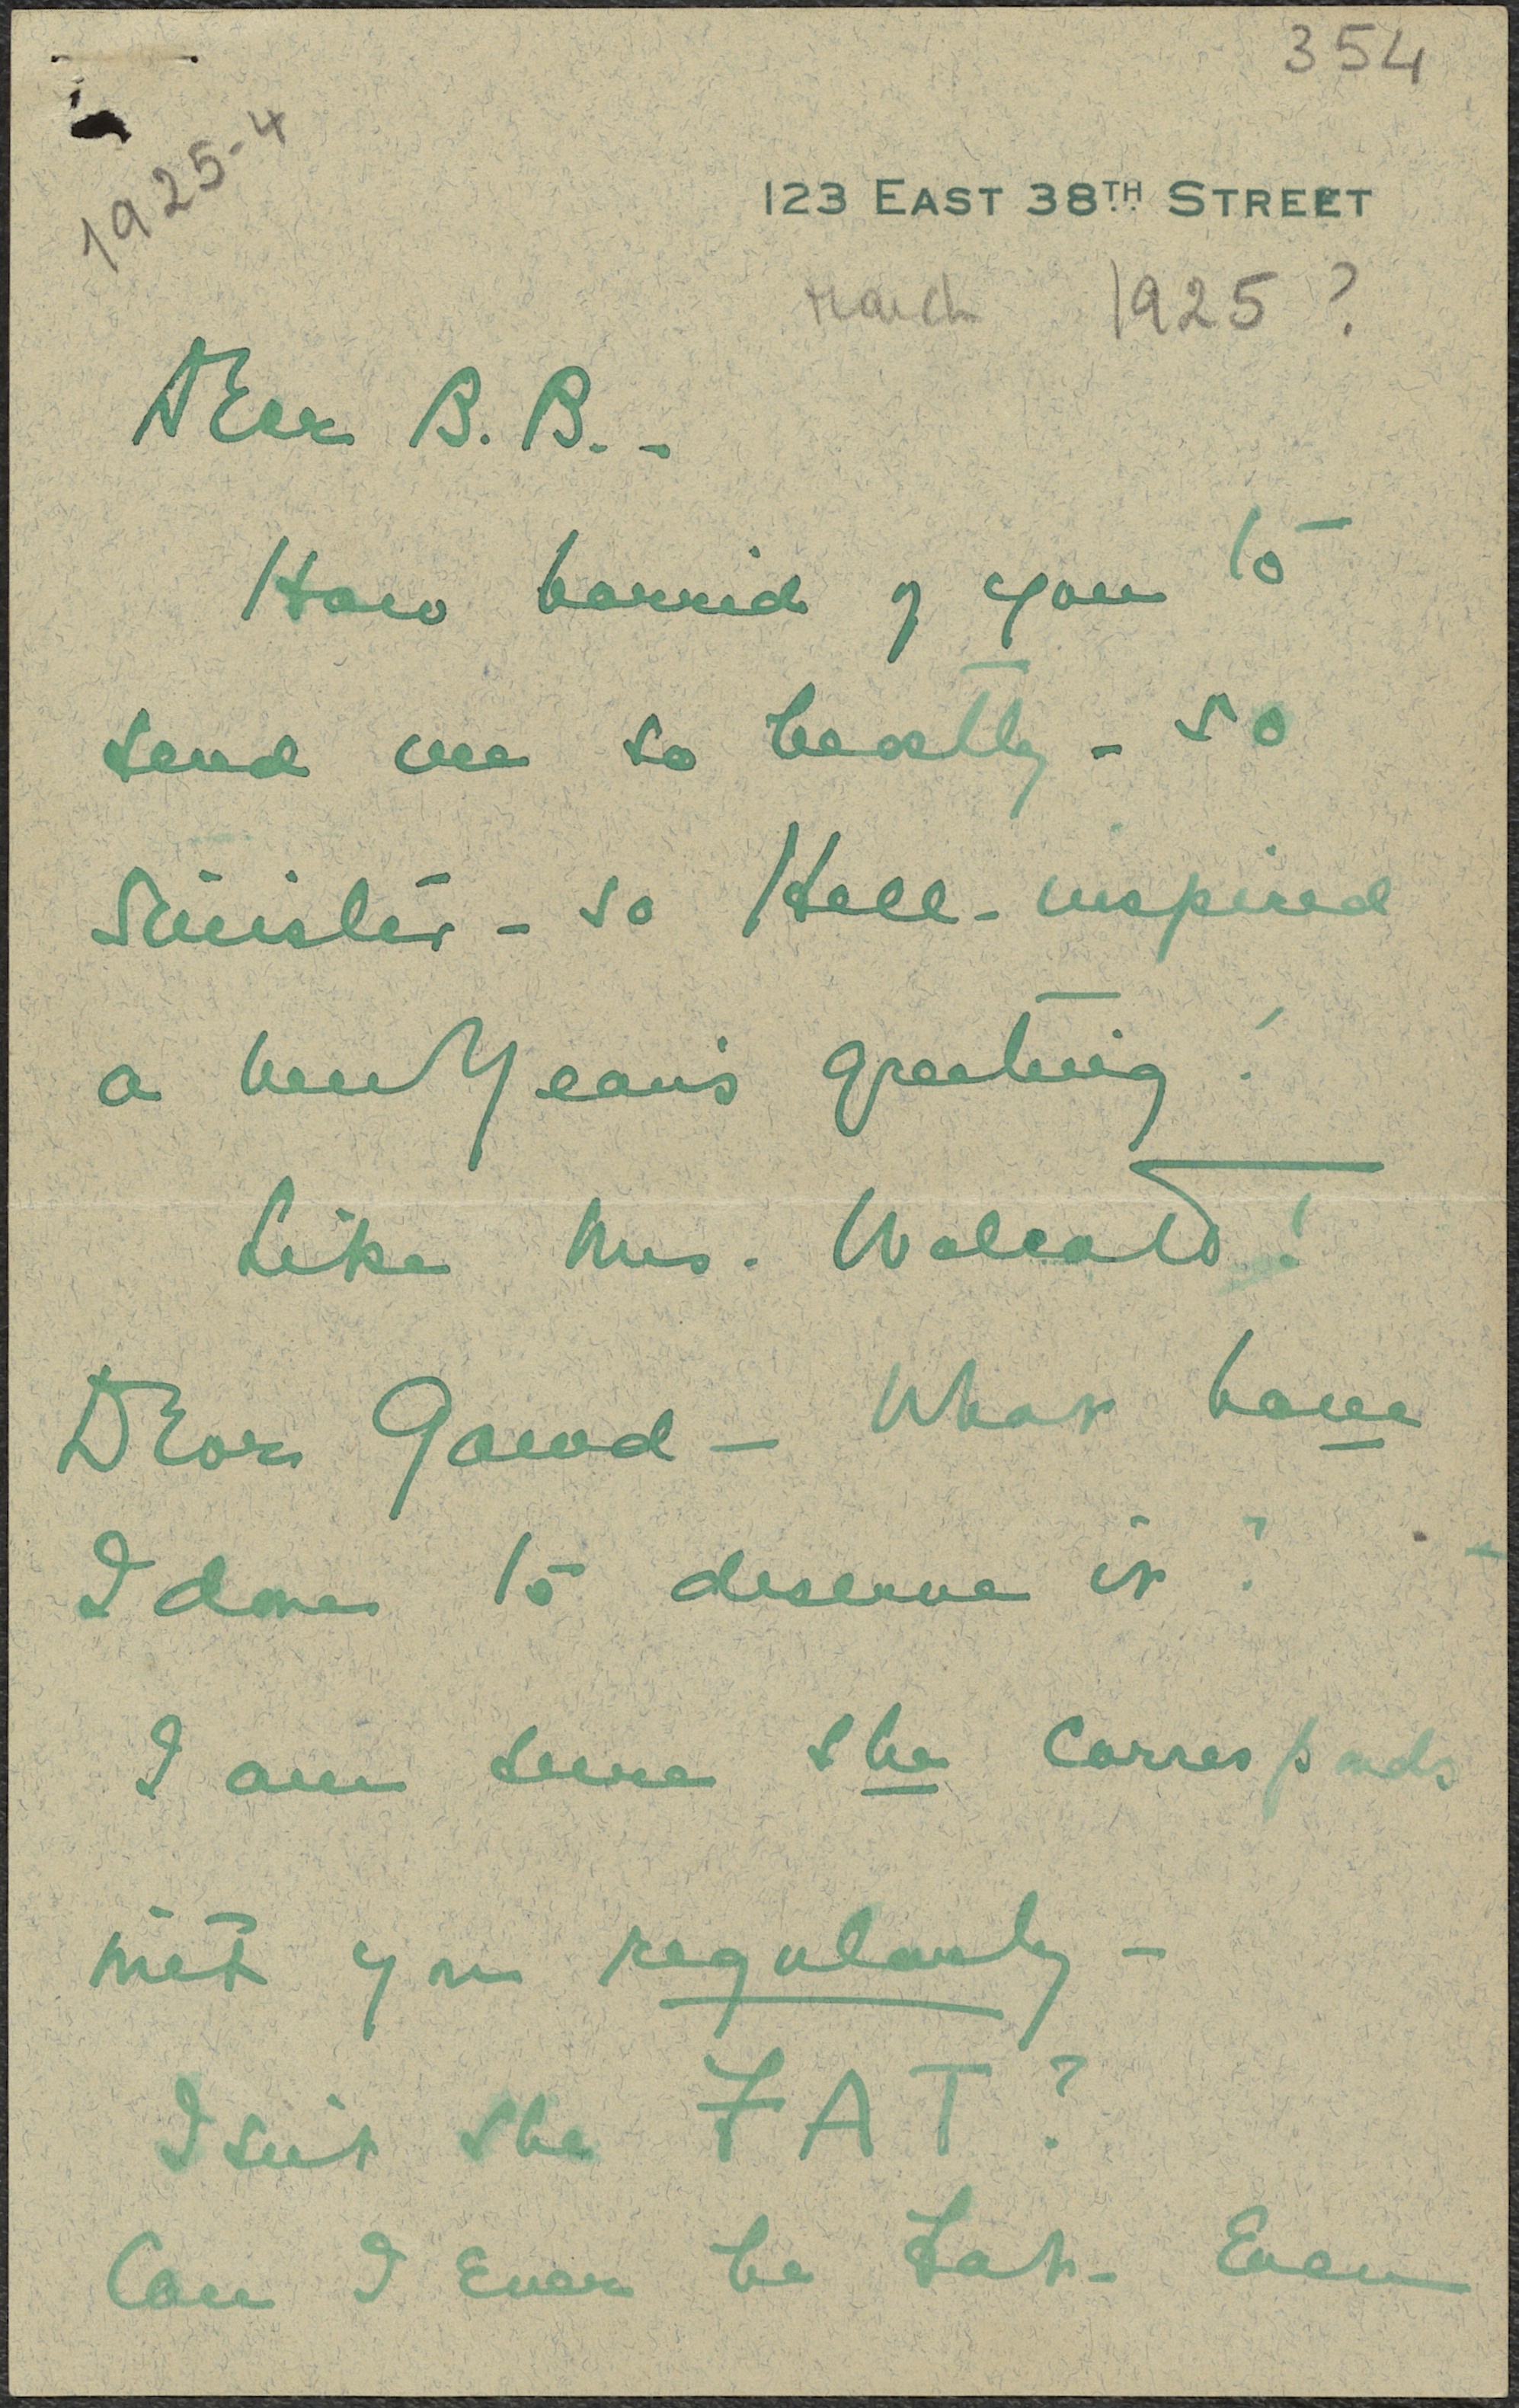Dear B.B. –
How horrid of you to send me so beastly – so sinister – so Hell-inspired a New Year’s greeting!
Like Mrs. Wolcott! Dear Gawd – What have I done to deserve it?
I am sure she corresponds with you regularly –
Isn’t she FAT?
Can I ever be fat – even